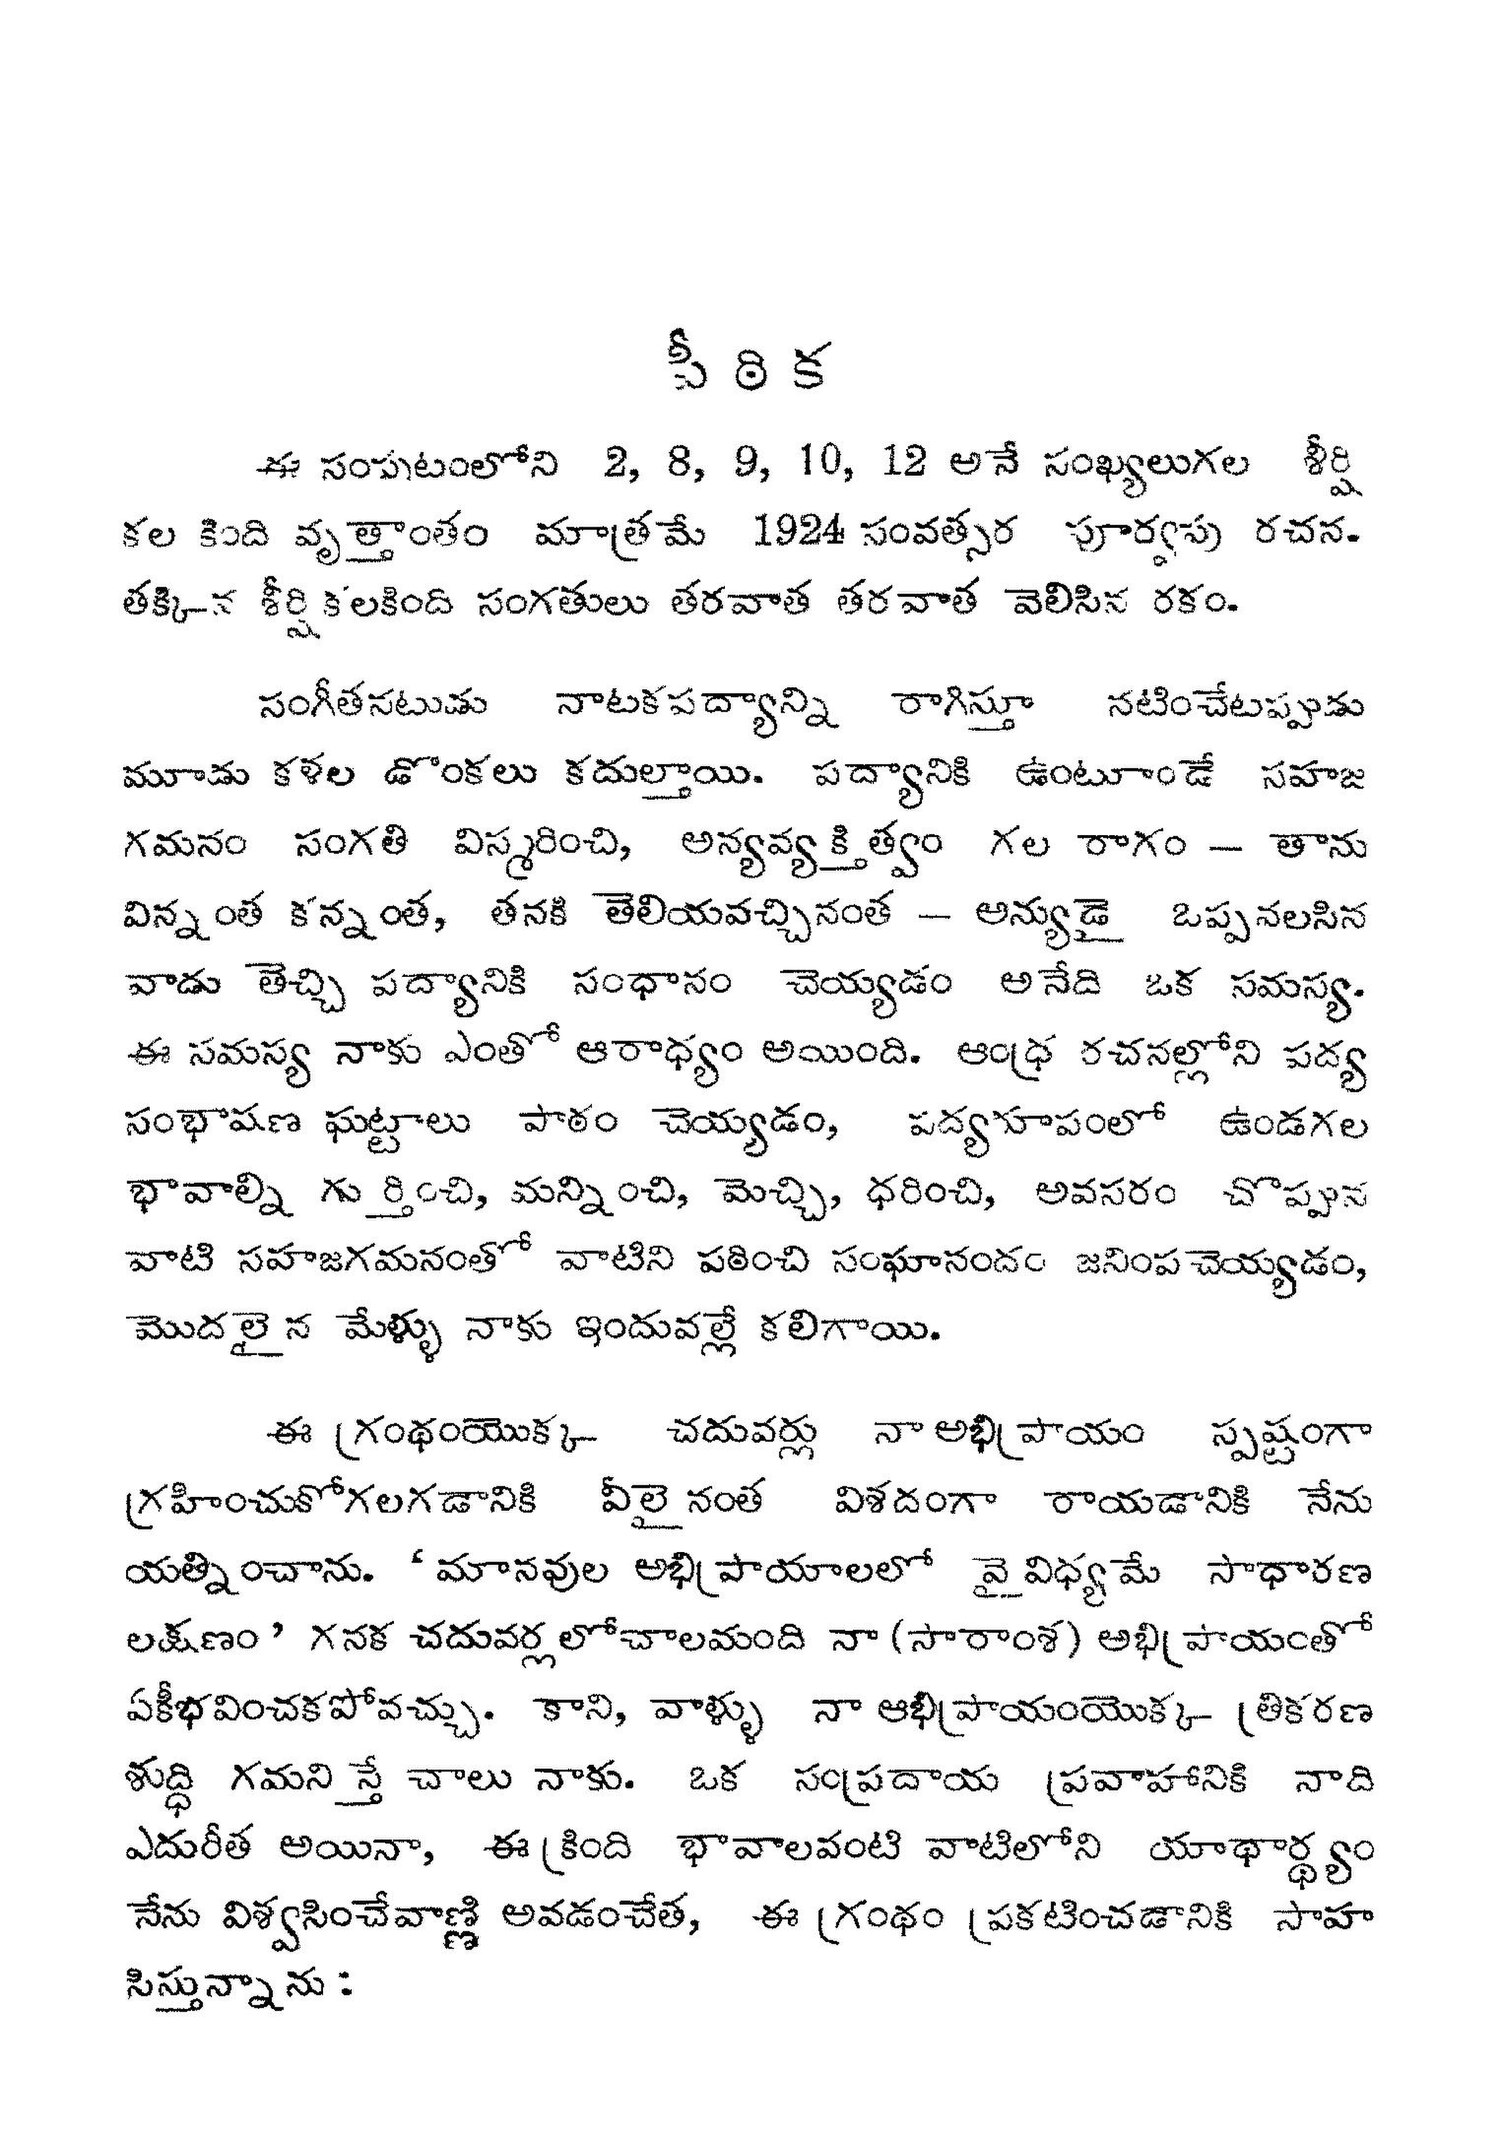పీఠిక

ఈ సంపుటంలోని 2, 8, 9, 10, 12 అనే సంఖ్యలుగల శీర్షి
కల కింది వృత్తాంతం మాత్రమే 1924 సంవత్సర పూర్వపు రచన.
తక్కిన శీర్షికలకింది సంగతులు తరవాత తరువాత వెలిసిన రకం.

సంగీతనటుడు నాటకపద్యాన్ని రాగిస్తూ నటించేటప్పుడు
మూడు కళల డొంకలు కదుల్తాయి. పద్యానికి ఉంటూండే సహజ
గమనం సంగతి విస్మరించి, అన్యవ్యక్తిత్వం గల రాగం - తాను
విన్నంత కన్నంత, తనకి తెలియవచ్చినంత - అన్యుడై ఒప్పవలసిన
వాడు తెచ్చి పద్యానికి సంధానం చెయ్యడం అనేది ఒక సమస్య.
ఈ సమస్య నాకు ఎంతో ఆరాధ్యం అయింది. ఆంధ్ర రచనల్లోని పద్య
సంభాషణ ఘట్టాలు పాఠం చెయ్యడం, పద్యరూపంలో ఉండగల
భావాల్ని గుర్తించి, మన్నించి, మెచ్చి, ధరించి, అవసరం చొప్పున
వాటి సహజగమనంతో వాటిని పఠించి సంఘానందం జనింపచెయ్యడం,
మొదలైన మేళ్ళు నాకు ఇందువల్లే కలిగాయి.

ఈ గ్రంథంయొక్క చదువర్లు నాఅభిప్రాయం స్పష్టంగా
గ్రహించుకోగలగడానికి వీలైనంత విశదంగా రాయడానికి నేను
యత్నించాను. 'మానవుల అభిప్రాయాలలో వైవిధ్యమే సాధారణ
లక్షణం ' గనక చదువర్లలోచాలమంది నా (సారాంశ) అభిప్రాయంతో
ఏకీభవించకపోవచ్చు. కాని, వాళ్ళు నా అభిప్రాయంయొక్క త్రికరణ
శుద్ధి గమనిస్తే చాలు నాకు. ఒక సంప్రదాయ ప్రవాహానికి నాది
ఎదురీత అయినా, ఈ క్రింది భావాలవంటి వాటిలోని యాథార్థ్యం
నేను విశ్వసించేవాణ్ణి అవడంచేత, ఈ గ్రంథం ప్రకటించడానికి సాహ
సిస్తున్నాను: